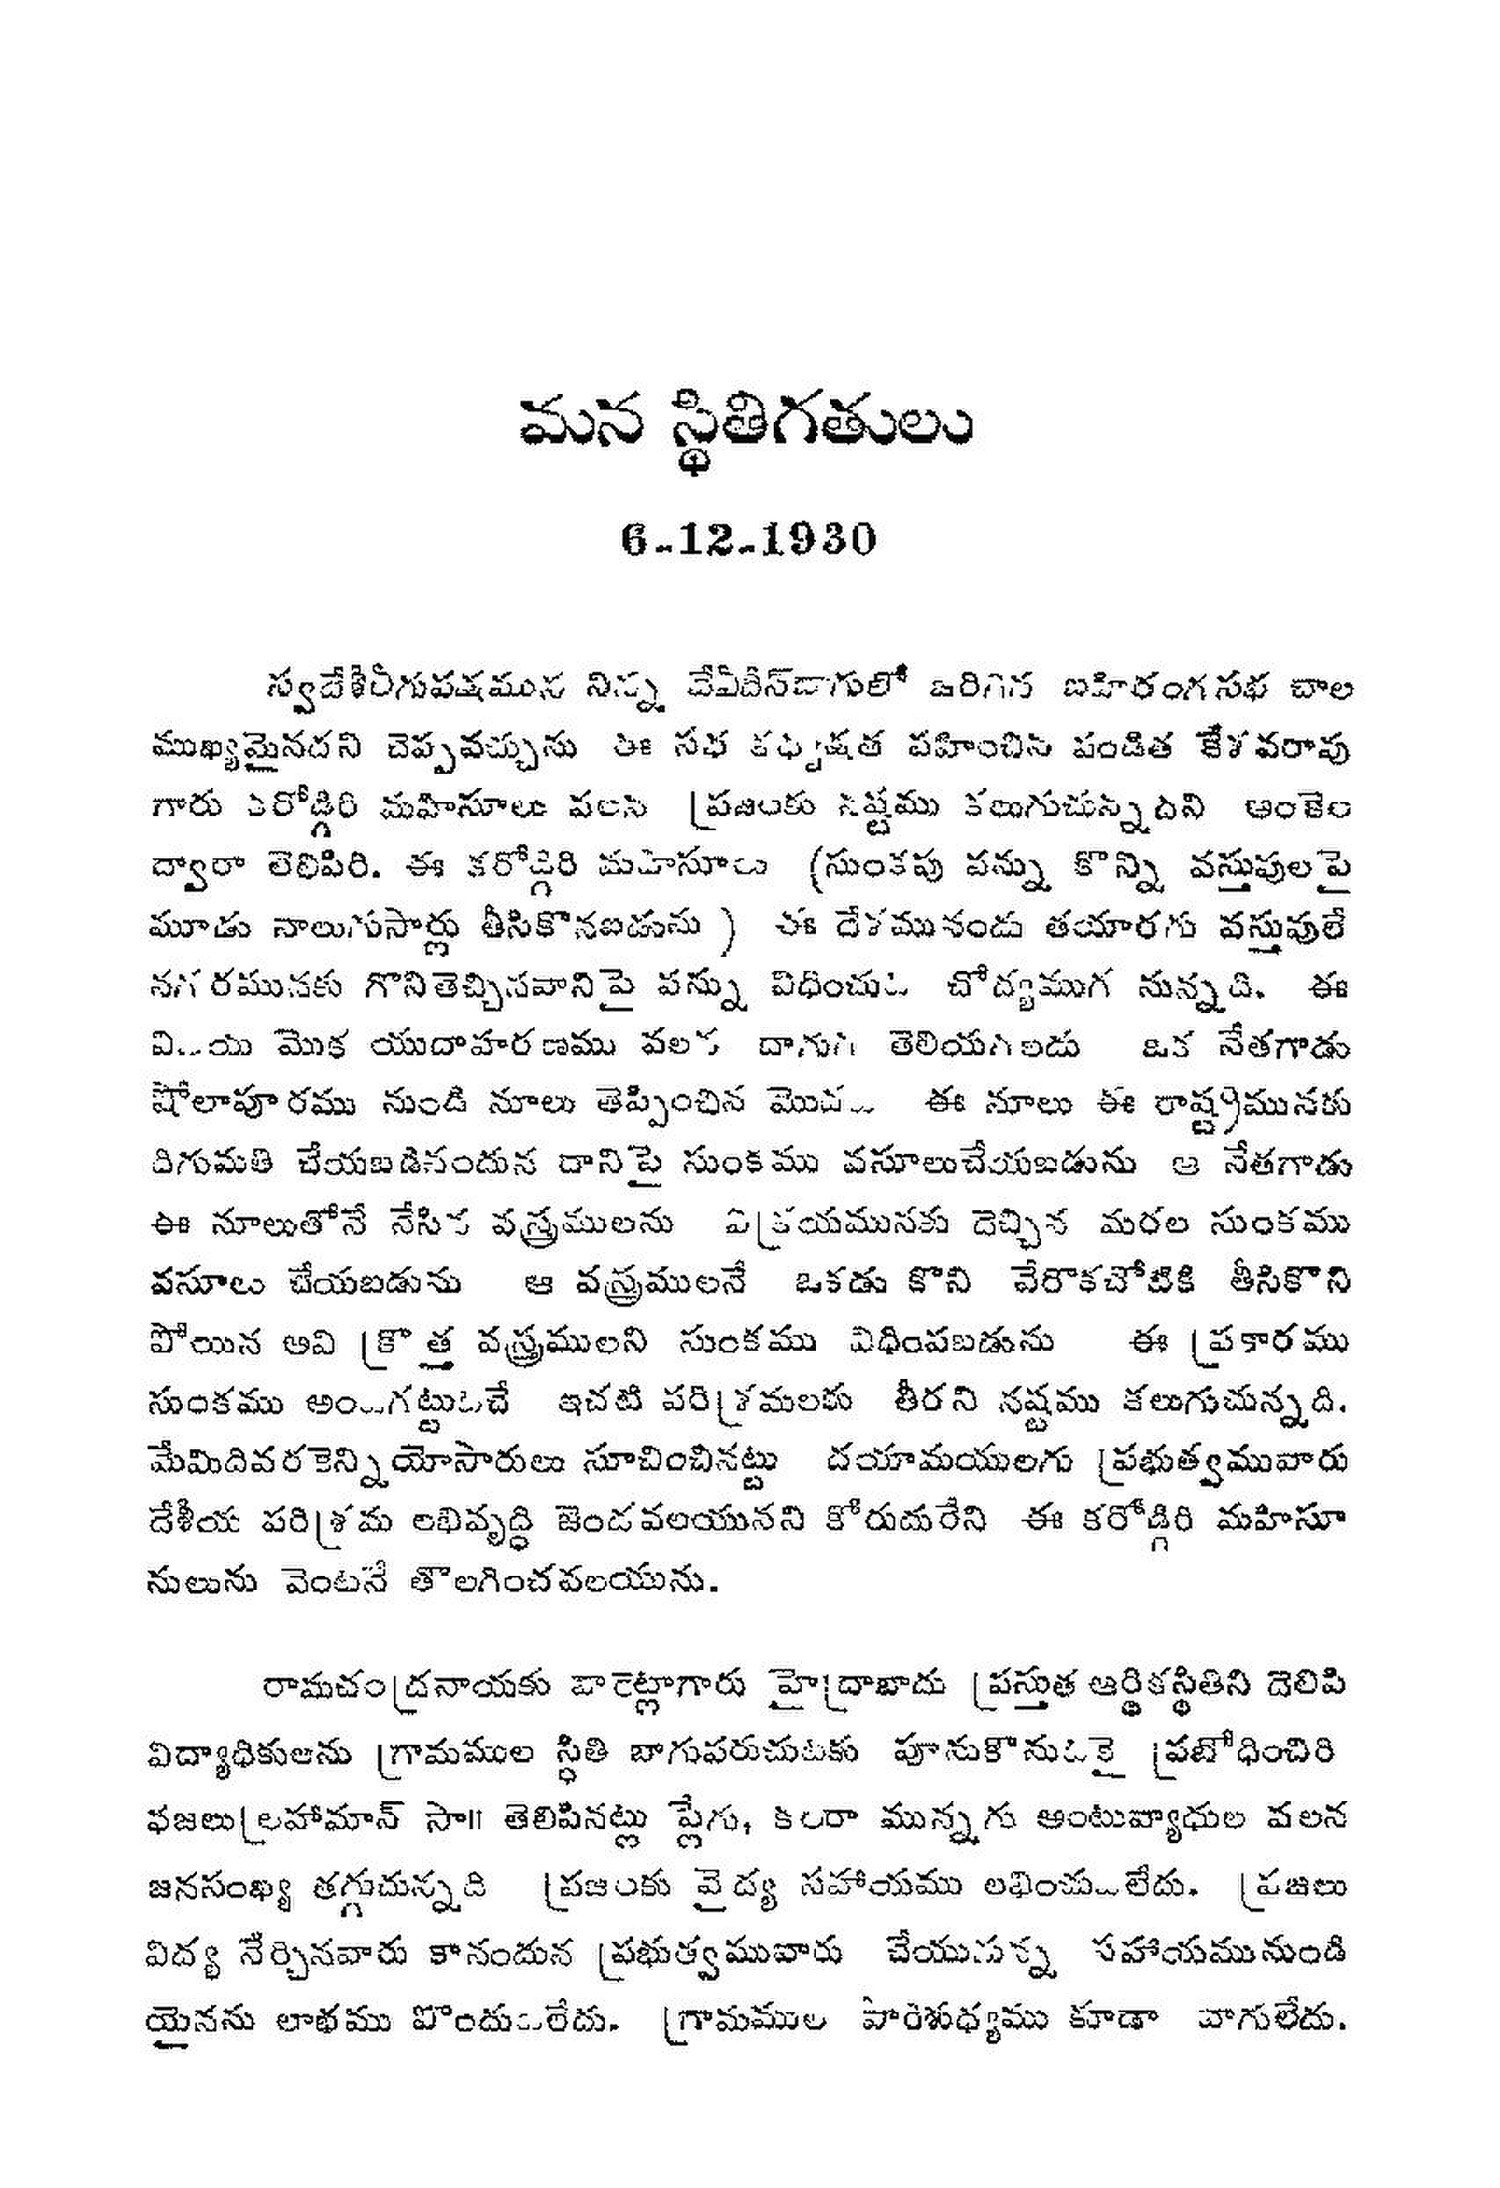మన స్థితిగతులు

6 - 12 - 1930

స్వదేశీలీగుపక్షమున నిన్న దేవీదీస్‌బాగులో జరిగిన బహిరంగసభ చాల ముఖ్యమైనదని చెప్పవచ్చును ఈ సభ కధ్యక్షత వహించిన పండిత కేశవరావుగారు కరోద్గిరి మహిసూలు వలన ప్రజలకు నష్టము కలుగుచున్నదని అంకెల
ద్వారా తెలిపిరి. ఈ కరోద్గిరి మహిసూలు (సుంకపు పన్ను కొన్ని వస్తువులపై మూడు నాలుగుసార్లు తీసికొనబడును ) ఈ దేశమునందు తయారగు వస్తువులే నగరమునకు గొనితెచ్చినవానిపై పన్ను విధించుట చోద్యముగ నున్నది. ఈ
విషయ మొక యుదాహరణము వలన బాగుగ తెలియగలదు ఒక నేతగాడు షోలాపూరము నుండి నూలు తెప్పించిన మొదలు ఈ నూలు ఈ రాష్ట్రమునకు దిగుమతి చేయబడినందున దానిపై సుంకము వసూలుచేయబడును ఆ నేతగాడు ఈ నూలుతోనే నేసిన వస్త్రములను విక్రయమునకు దెచ్చిన మరల సుంకము
వసూలు చేయబడును ఆ వస్త్రములనే ఒకడు కొని వేరొకచోటికి తీసికొని పోయిన అవి క్రొత్త వస్త్రములని సుంకము విధింపబడును ఈ ప్రకారము సుంకము అందగట్టుటచే ఇచటి పరిశ్రమలకు తీరని నష్టము కలుగుచున్నది.
మేమిదివరకెన్నియోసారులు సూచించినట్టు దయామయులగు ప్రభుత్వమువారు దేశీయ పరిశ్రమ అభివృద్ధి జెందవలయునని కోరుదురేని ఈ కరోడ్గిరి మహిసూనులును వెంటనే తొలగించవలయును.

రామచంద్రనాయకు బారెట్లగారు హైద్రాబాదు ప్రస్తుత ఆర్థికస్థితిని దెలిపి విద్యాధికులను గ్రామముల స్థితి బాగుపరుచుటకు పూనుకొనుటకై ప్రబోధించిరి ఫజలుల్రహామాన్ సా॥ తెలిపినట్లు ప్లేగు, కలరా మున్నగు అంటువ్యాధుల వలన జనసంఖ్య తగ్గుచున్నది ప్రజలకు వైద్య సహాయము లభించుటలేదు. ప్రజలు విద్య నేర్చినవారు కానందున ప్రభుత్వమువారు చేయునున్న సహాయము నుండి యైనను లాభము పొందుటలేదు. గ్రామముల పారిశుధ్యము కూడా బాగులేదు.